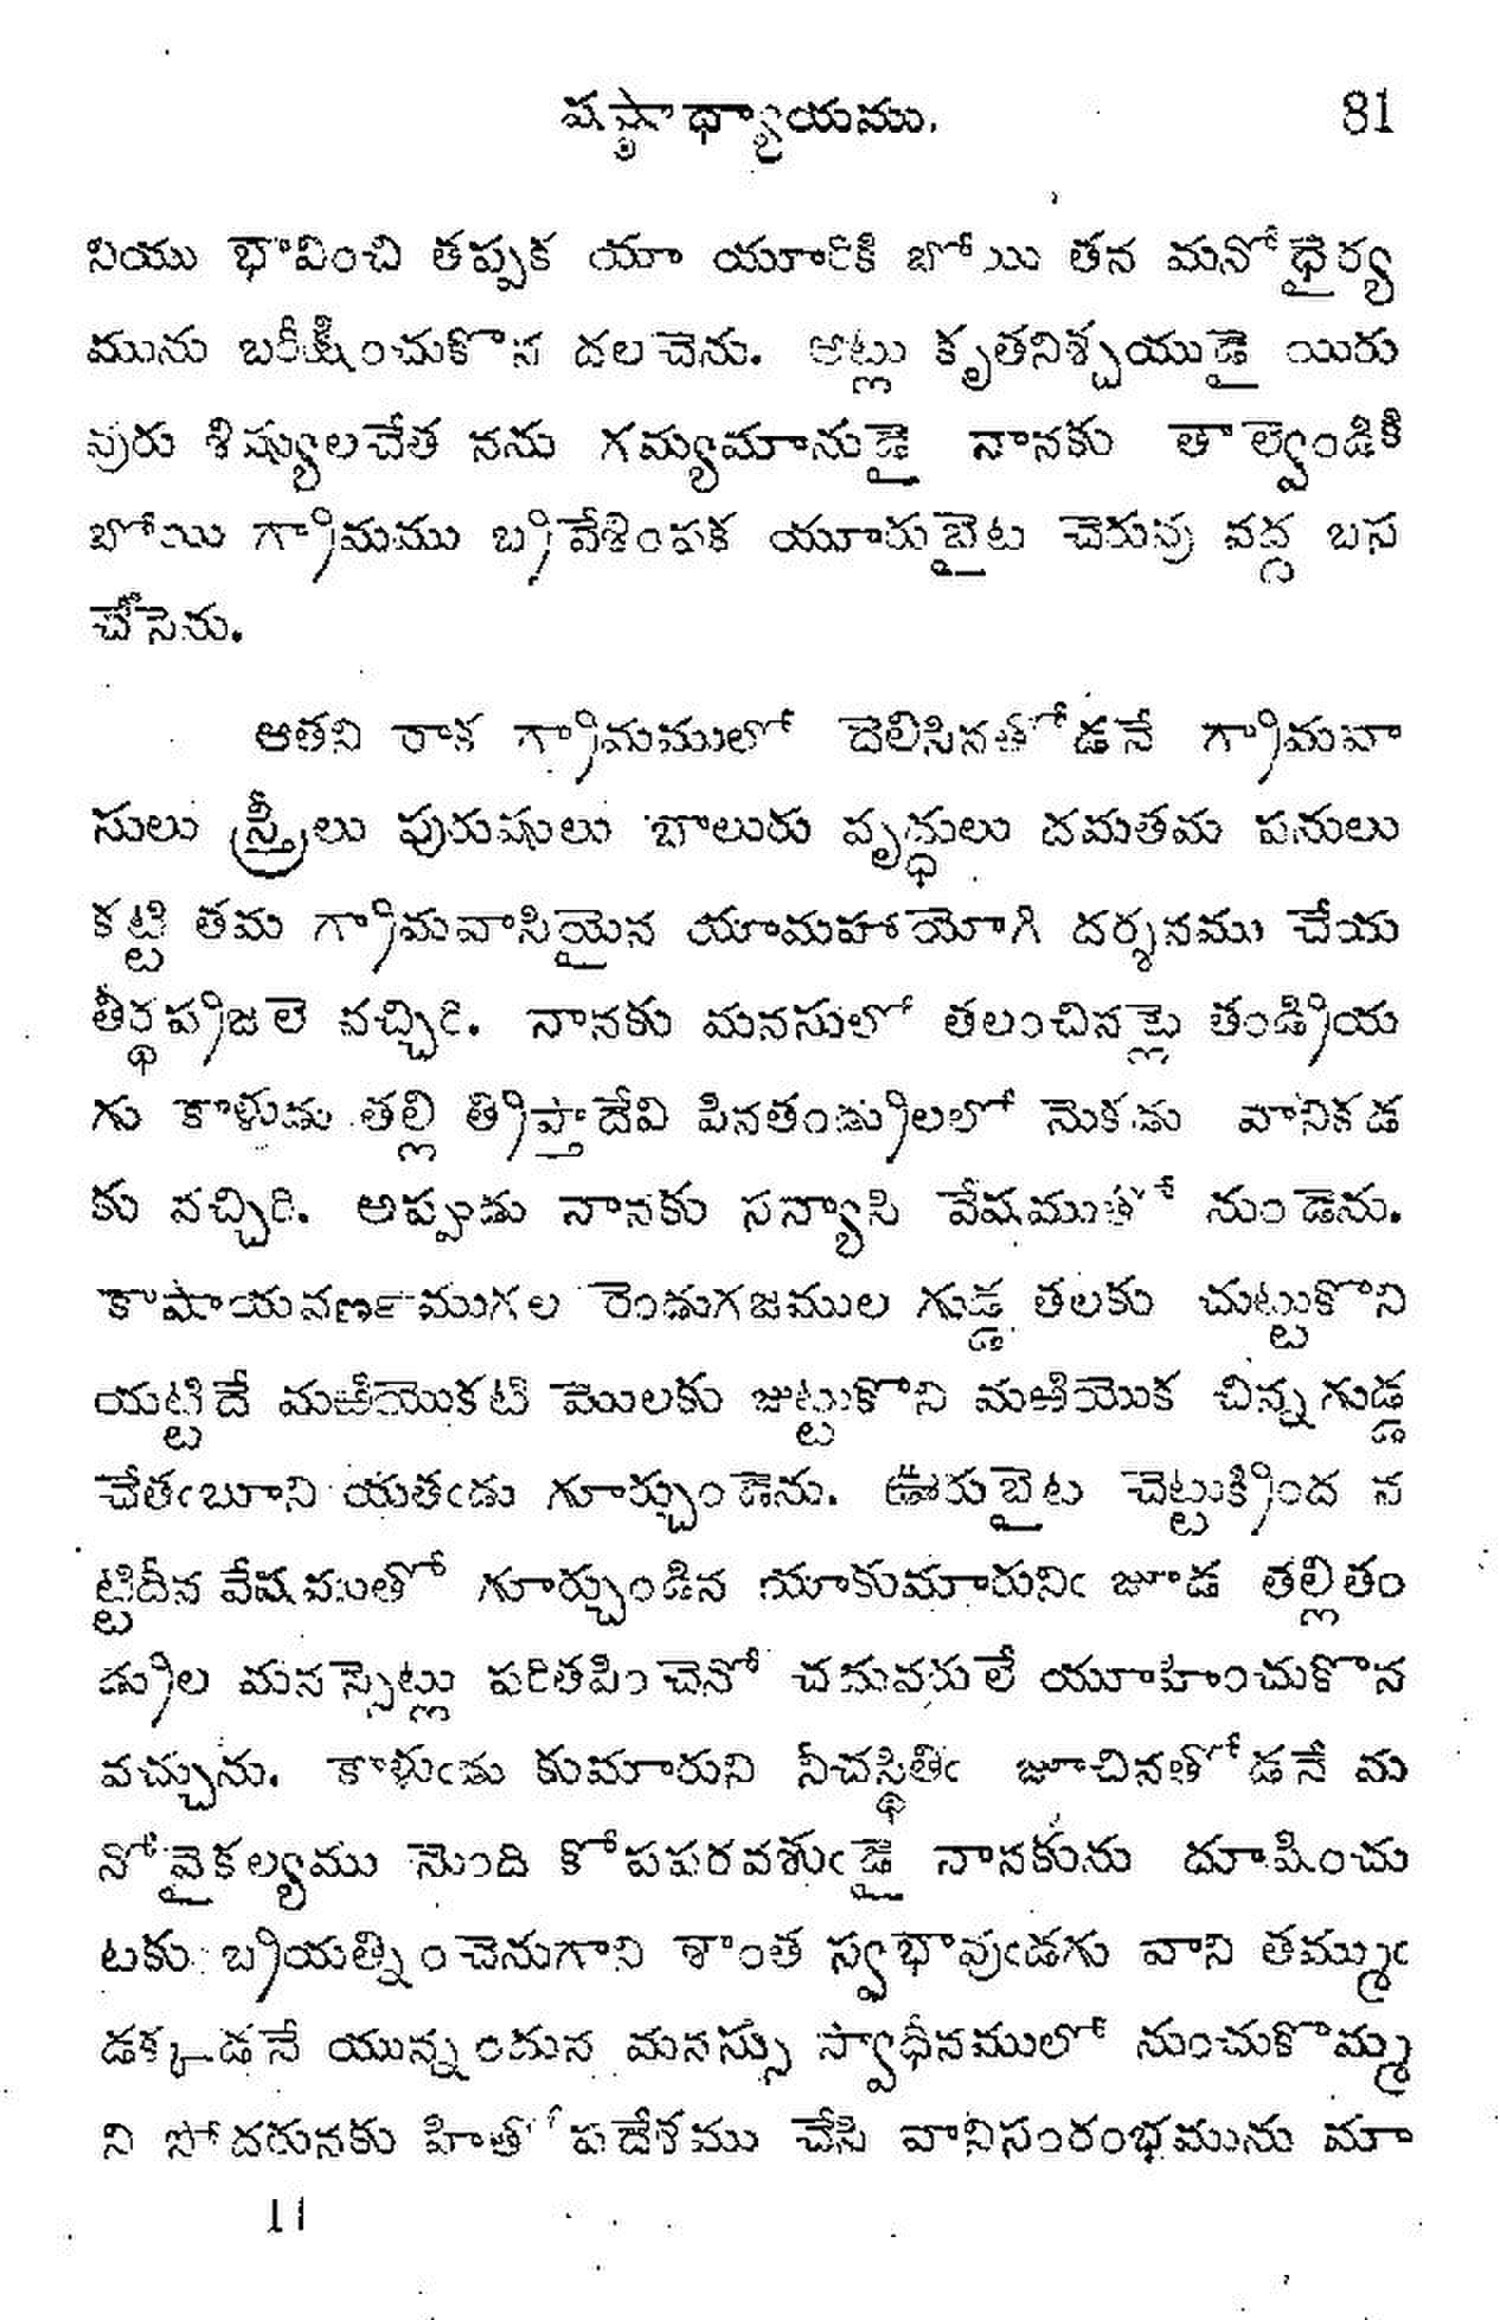నియు భావించి తప్పక యా యూరికి బోయి తన మనోధైర్యమును బరీక్షించుకొన దలచేను. అట్లు కృతనిశ్చయుడై యిరువురు శిష్యులచేత నను గమ్యమానుడై నానకు తాల్వెండికి బోయి గ్రామము బ్రవేశింపక యూరుబైట చెరువు వద్ద బస చేసెను.

అతని రాక గ్రామములో దెలిసినతోడనే గ్రామవాసులు స్త్రీలు పురుషులు బాలురు వ్య్ద్ధులు దమతమ పనులు కట్టి తమ గ్రామవాసియైన యామహాయోగి దర్శనము చేయ తీర్థప్రజలె వచ్చిరి. నానకు మనసులో తలంచినట్లె తండ్రియగు కాళుడు తల్లి త్రిప్తాదేవి పినతండ్రులలో నొకడు వానికడకు వచ్చిరి. అప్పుడు నానకు సన్యాసి వేషముతో నుండెను. కాషాయవణన్‌ముగల రెండుగజముల గుడ్డ తలకు చుట్టుకొని యట్టిదే మఱియొకటి మొలకు జుట్టుకొని మఱియొక చిన్నగుడ్డ చేతబూని యతడు గూర్చుండెను. ఊరుబైట చెట్టుక్రింద నట్టిదీన వేషముతో గూర్చుండిన యాకుమారుని జూడ తల్లితండ్రుల మనసెట్లు పరితపించెనో చదువరులే యూహించుకొన వచ్చును. కాళుడు కుమారుని నీచస్థితి జూచినతోడనే మనోవైకల్యము నొంది కోపపరవశుడై నానకును దూషించుటకు బ్రయత్నించెనుగాని శాంతస్వభావుడగు వాని తమ్ముడక్కడనే యున్నందున మనస్సు స్వాధీనములో నుంచుకొమ్మని సోదరునకు హితోపదేశము చేసి వానిసంరంభమును మా